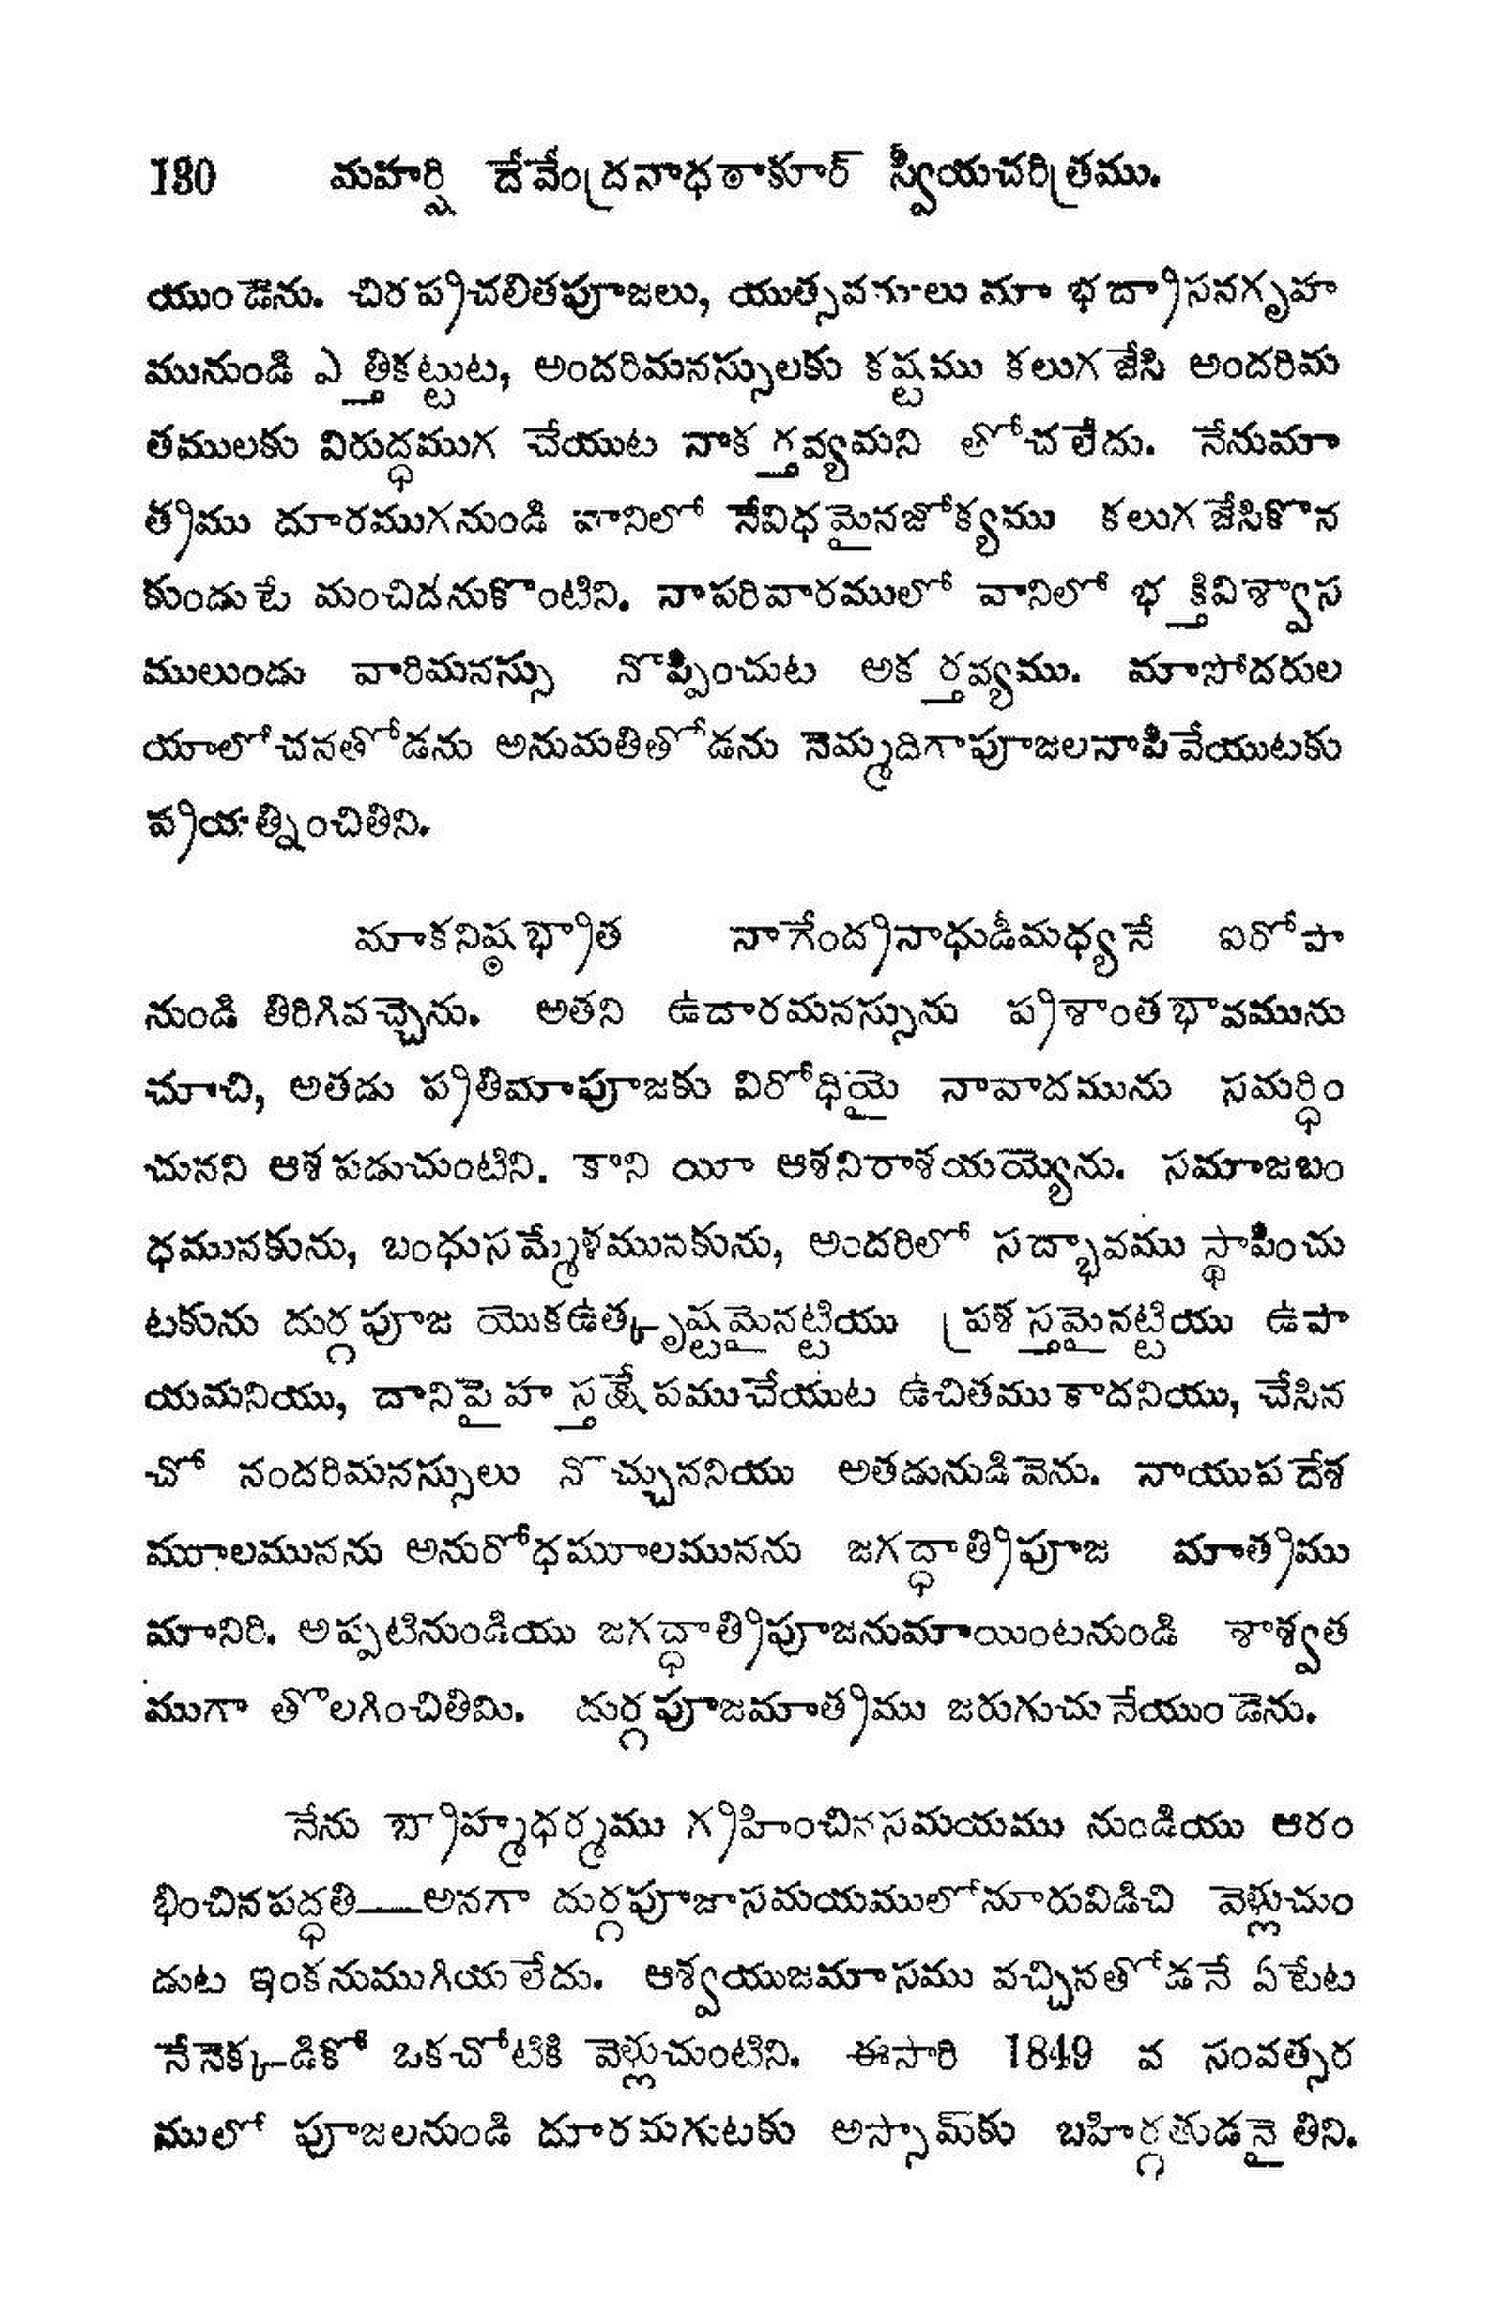యుండెను. చిర ప్రచలిత పూజలు, యుత్సవములునూ భద్రాసన
గృహమునుండి ఎత్తికట్టుట, అందరి మనస్సులకు కష్టము కలుగ జేసి 
అందరిమతులకు విరుద్ధముగ చేయుట నొక గర్తవ్యమని తోచలేదు. 
'నేనుమాత్రము దూరముగ నుండి వానిలో సేవిధమైన జోక్యము కలుగ 
జేసికొనకుండుటే మంచిదను కొంటిని. నా పరివారములో వానిలో 
భక్తివిశ్వాసము లుండు వారిమనస్సు నొప్పించుట అకర్తవ్యము. 
మాసోదరుల యాలోచన తోడను అనుమతి తోడను నెమ్మదిగా 
పూజలనాపి వేయుటకు ప్రయత్నించితిని.

మాకనిష్ఠ బ్రాత నాగేంద్ర నాధుడీ మధ్యనే ఐరోపానుండి తిరిగివచ్చెను. అతని ఉదార మనస్సును ప్రశాంత భావమును చూచి, అతడు ప్రతిమాపూజకు విరోధియై 
నావాదమును సమర్ధించునని ఆశ పడుచుంటిని. కాని యీ ఆశ నిరాశయయ్యెను. 
సమాజ బంధమునకును, బంధుసమ్మేళమునకును, అందరిలో సద్భావము 
స్థాపించుటకును దుర్గ పూజ యొక ఉత్కృష్టమైనట్టియు ప్రశస్తమైనట్టియు 
ఉపాయమనియు, దానిపై హస్తక్షేపము చేయుట ఉచితము కాదనియు, 
చేసినచో నందరిమనస్సులు నొచ్చుననియు అతడు నుడివెను. నాయుపదేశ
మూలమునను అనురోధమూలమునను జగద్ధాతి పూజ మాత్రము మానిరి. అప్పటినుండియు జగద్ధాతి పూజను మాయింటనుండి శాశ్వతముగా 
తొలగించితిమి. దుర్గ పూజ మాత్రము జరుగుచునేయుండెను.

నేను బాహ్మధర్మము గ్రహించిన సమయము నుండియు ఆరంభించిన పద్ధతి.
అనగా దుర్గ పూజా సమయములో నూరు విడిచి వెళ్లుచుండుట ఇంకను ముగియ 
లేదు. ఆశ్వయుజ మాసము వచ్చిన తోడనే ఏటేట "నేనెక్కడికో ఒక చోటికి 
వెళ్లుచుంటిని. ఈసారి 1819 వ సంవత్సరములో పూజలనుండి దూరమగుటకు 
అస్సామ్ కు బహిర్గతుడనై తిని,